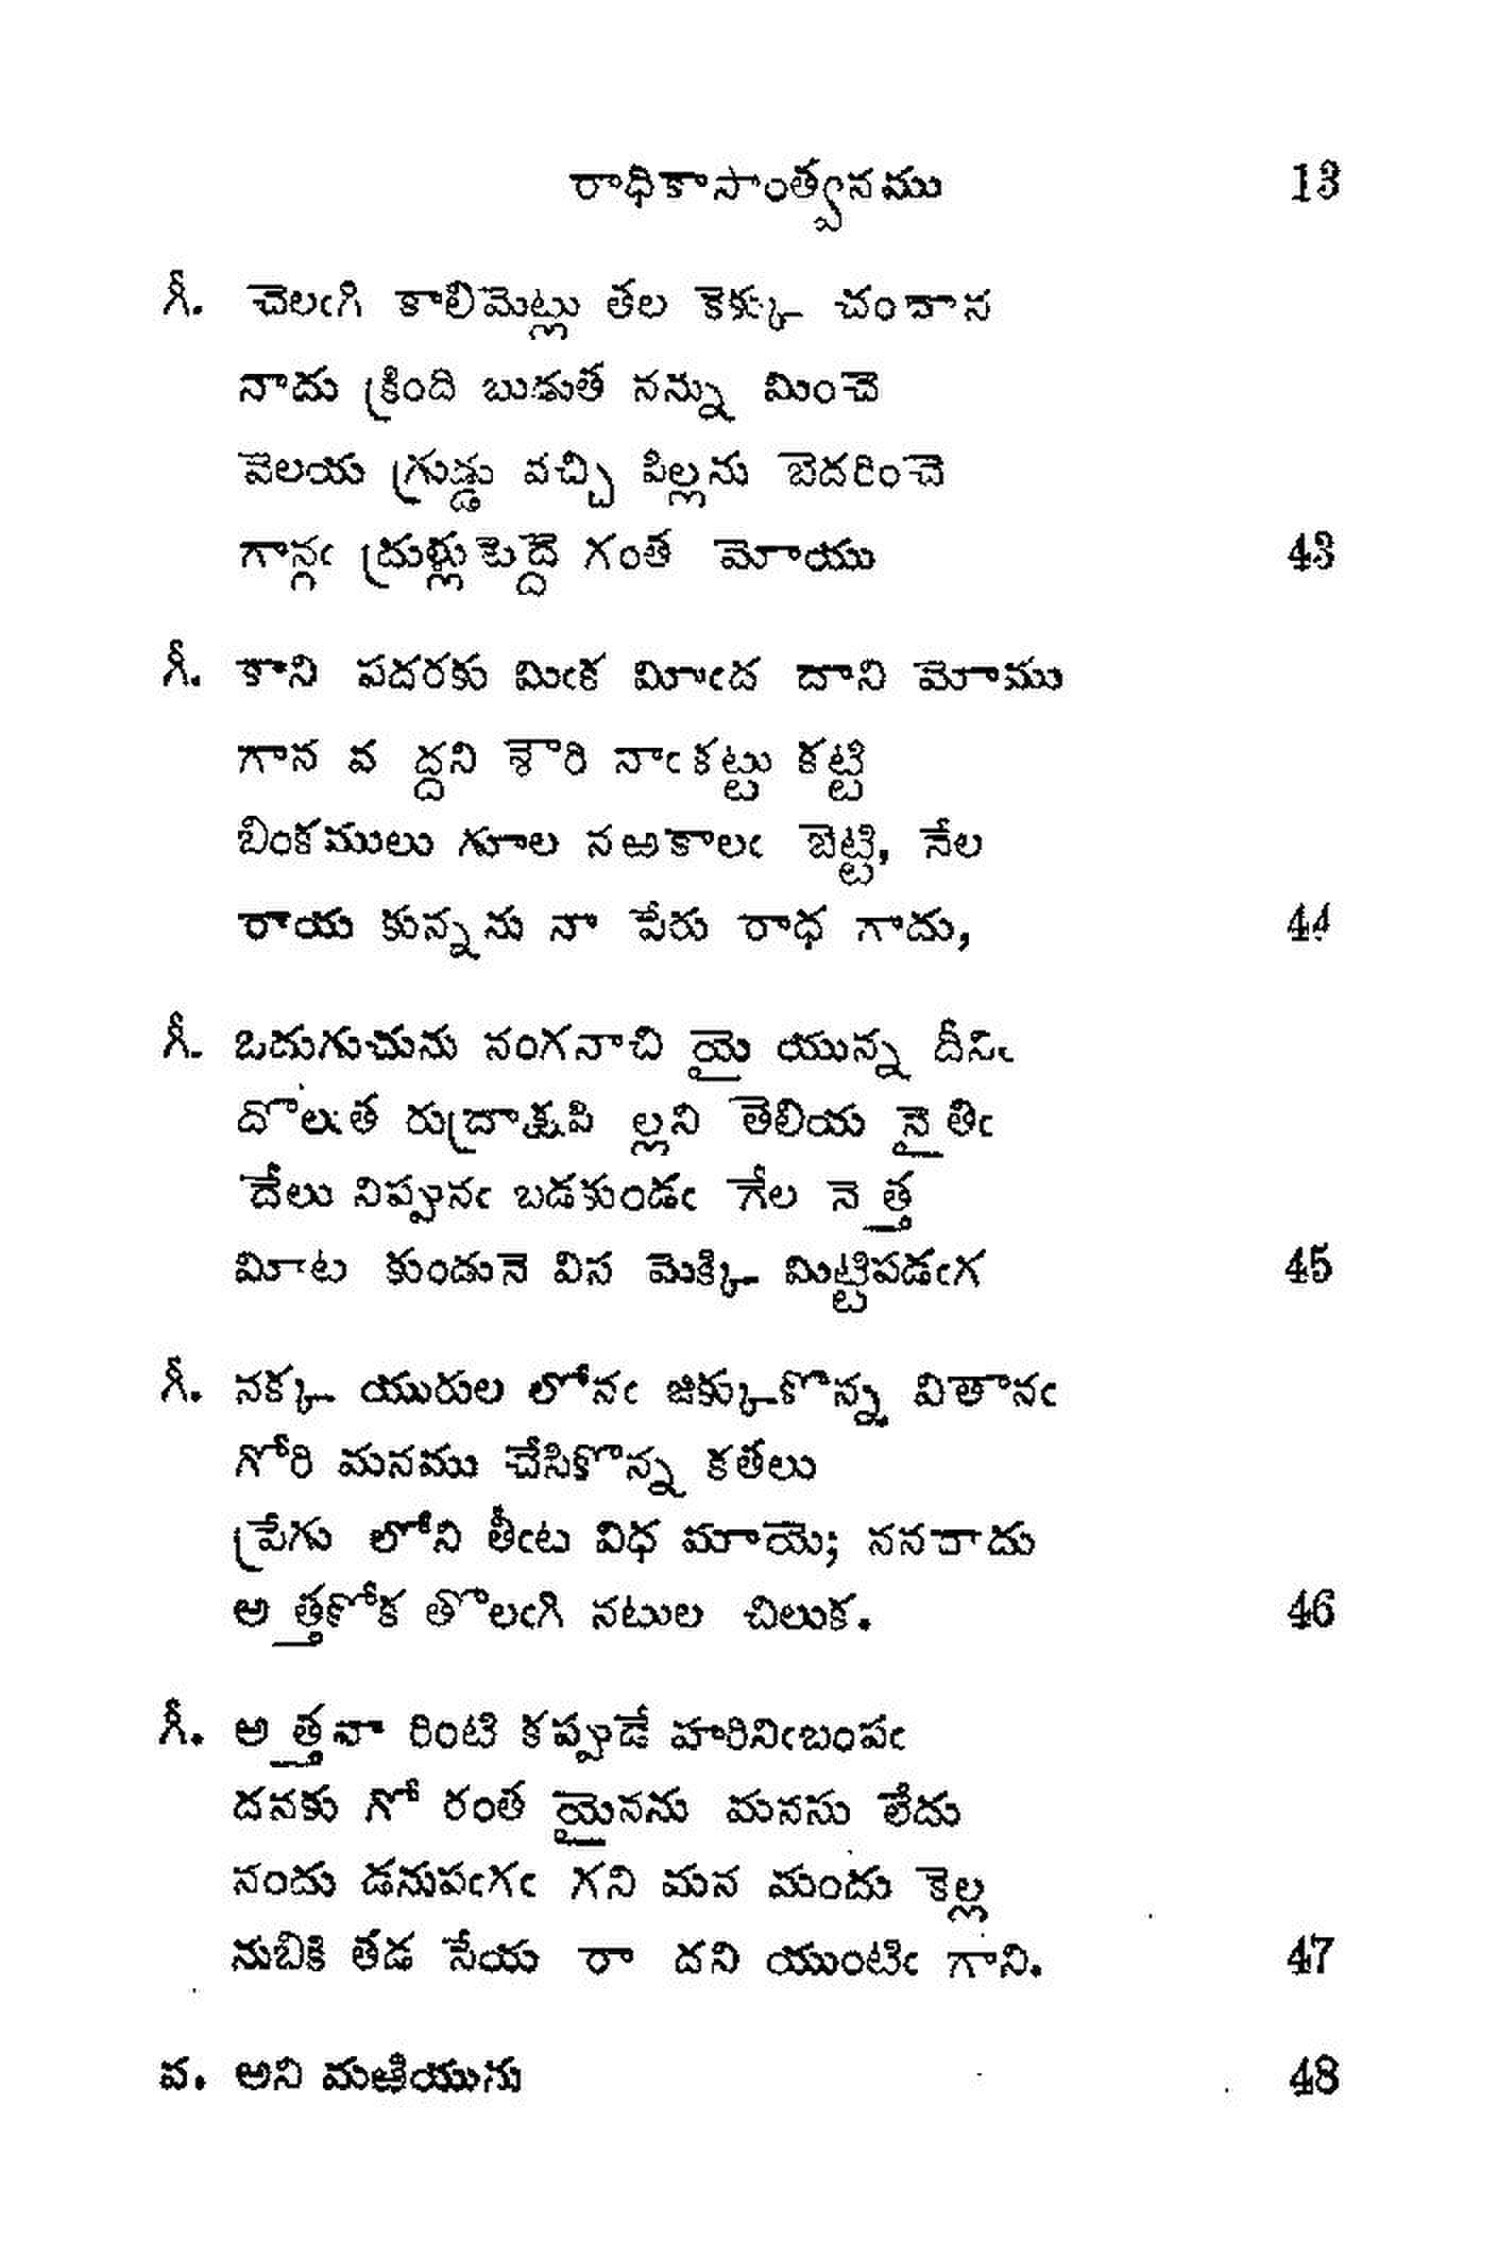గీ. చెలఁగి కాలిమెట్లు తల కెక్కు చందాన
నాదు క్రింది బుడుత నన్ను మించె
వెలయ గ్రుడ్డు వచ్చి పిల్లను బెదరించె
గాన్గఁ ద్రుళ్లుటెద్దె గంత మోయు. 43

గీ. కాని పదరకు మిఁక మీద దాని మోము
గాన వ ద్దని శౌరి నాఁకట్టు కట్టి
బింకములు గూల నఱకాలఁ బెట్టి, నేల
రాయ కున్నను నా పేరు రాధ గాదు. 44

గీ. ఒదుగుచును నంగనాచి యై యున్న దీనిఁ
దొలుత రుద్రాక్షపి ల్లని తెలియ నైతిఁ
దేలు నిప్పునఁ బడకుండఁ గేల నెత్త
మీట కుండునె విస మెక్కి మిట్టిపడఁగ. 45

గీ. నక్క యురులలోనఁ జిక్కుకొన్న వితానఁ
గోరి మనము చేసికొన్న కతలు
ప్రేగు లోని తీఁట విధ మాయె; ననరాదు
అత్తకోక తొలఁగి నటుల చిలుక. 46

గీ. అత్తవా రింటి కప్పుడే హరినిఁ బంపఁ
దనకు గో రంత యైనను మనసు లేదు
నందు డనుపఁగఁ గని మన మందు కెల్ల
నుబికి తడ సేయ రాదని యుంటిఁ గాని. 47

వ. అని మఱియును. 48